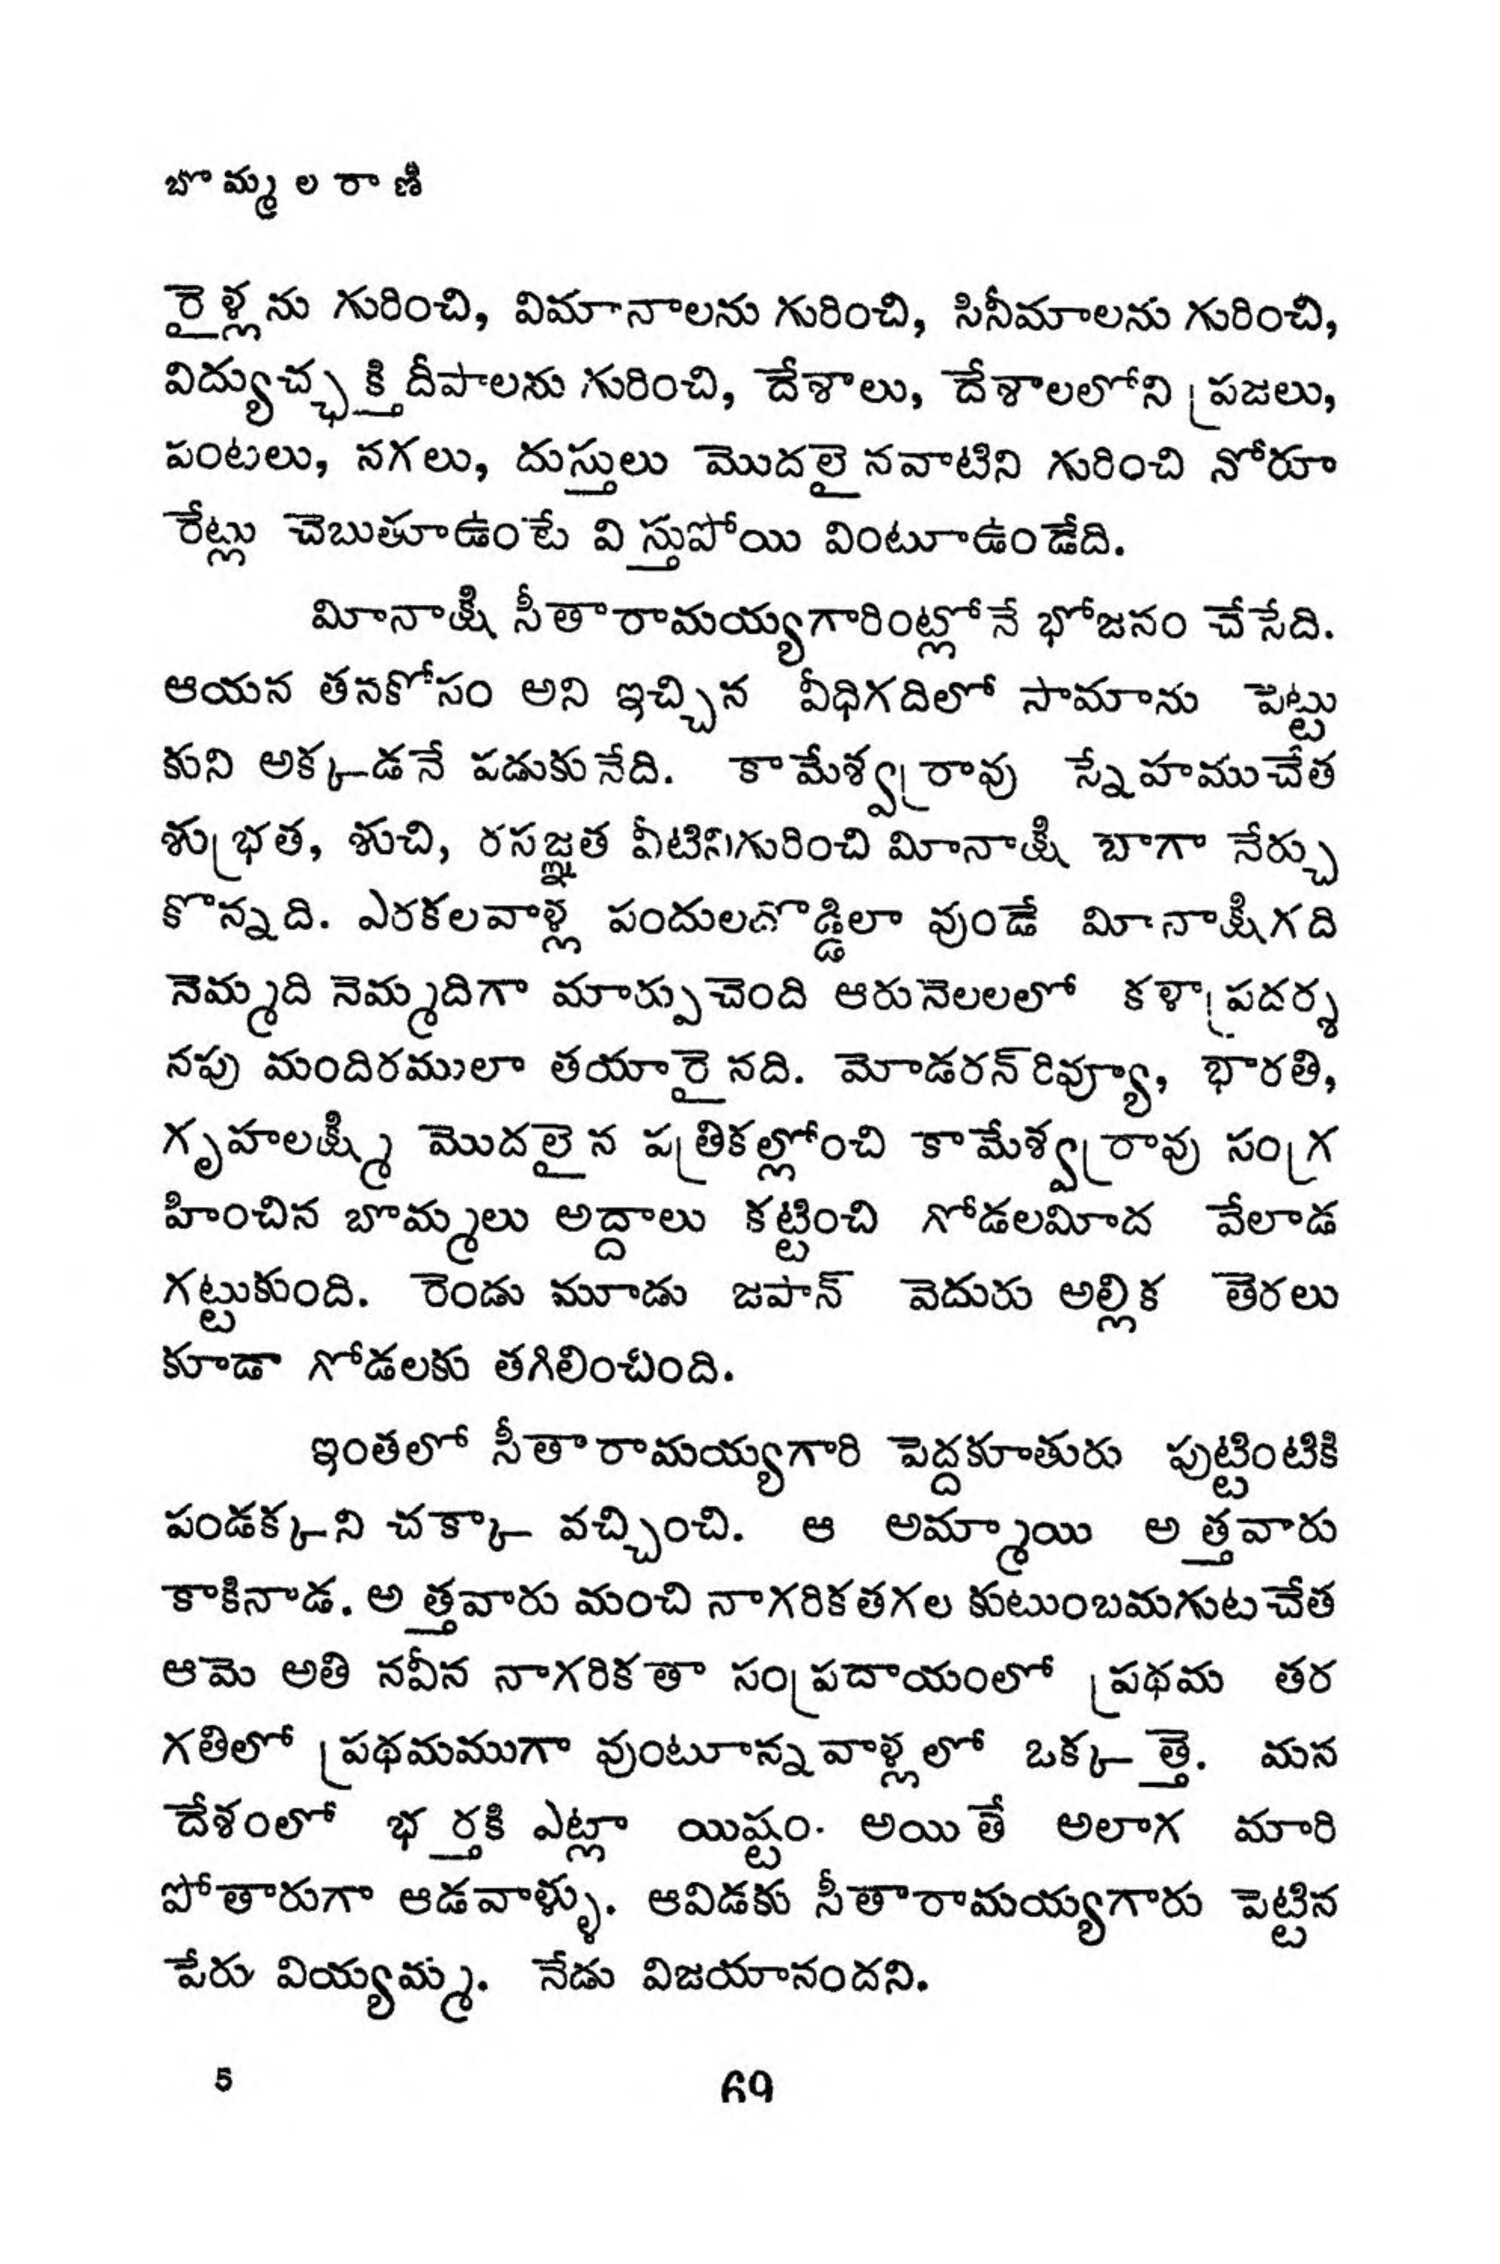రైళ్లను గురించి, విమానాలను గురించి, సినీమాలను గురించి, విద్యుచ్ఛక్తిదీపాలను గురించి, దేశాలు, దేశాలలోని ప్రజలు, పంటలు, నగలు, దుస్తులు మొదలైనవాటిని గురించి నోరూరేట్లు చెబుతూఉంటే విస్తుపోయి వింటూఉండేది.

మీనాక్షి సీతారామయ్యగారింట్లోనే భోజనం చేసేది. ఆయన తనకోసం అని ఇచ్చిన వీధిగదిలో సామాను పెట్టుకుని అక్కడనే పడుకునేది. కామేశ్వర్రావు స్నేహముచేత శుభ్రత, శుచి, రసజ్ఞత వీటినిగురించి మీనాక్షి బాగా నేర్చుకొన్నది. ఎరకలవాళ్ల పందులదొడ్డిలా వుండే మీనాక్షిగది నెమ్మది నెమ్మదిగా మార్పుచెంది ఆరునెలలలో కళాప్రదర్శనపు మందిరములా తయారైనది. మోడరన్‌రివ్యూ, భారతి, గృహలక్ష్మి మొదలైన పత్రికల్లోంచి కామేశ్వర్రావు సంగ్రహించిన బొమ్మలు అద్దాలు కట్టించి గోడలమీద వేలాడ గట్టుకుంది. రెండు మూడు జపాన్ వెదురు అల్లిక తెరలు కూడా గోడలకు తగిలించింది.

ఇంతలో సీతారామయ్యగారి పెద్దకూతురు పుట్టింటికి పండక్కని చక్కా వచ్చించి. ఆ అమ్మాయి అత్తవారు కాకినాడ. అత్తవారు మంచి నాగరికతగల కుటుంబమగుటచేత ఆమె అతి నవీన నాగరికతా సంప్రదాయంలో ప్రథమ తరగతిలో ప్రథమముగా వుంటూన్నవాళ్లలో ఒక్కత్తె. మన దేశంలో భర్తకి ఎట్లా యిష్టం అయితే అలాగ మారి పోతారుగా ఆడవాళ్ళు. ఆవిడకు సీతారామయ్యగారు పెట్టిన పేరు వియ్యమ్మ. నేడు విజయానందని.